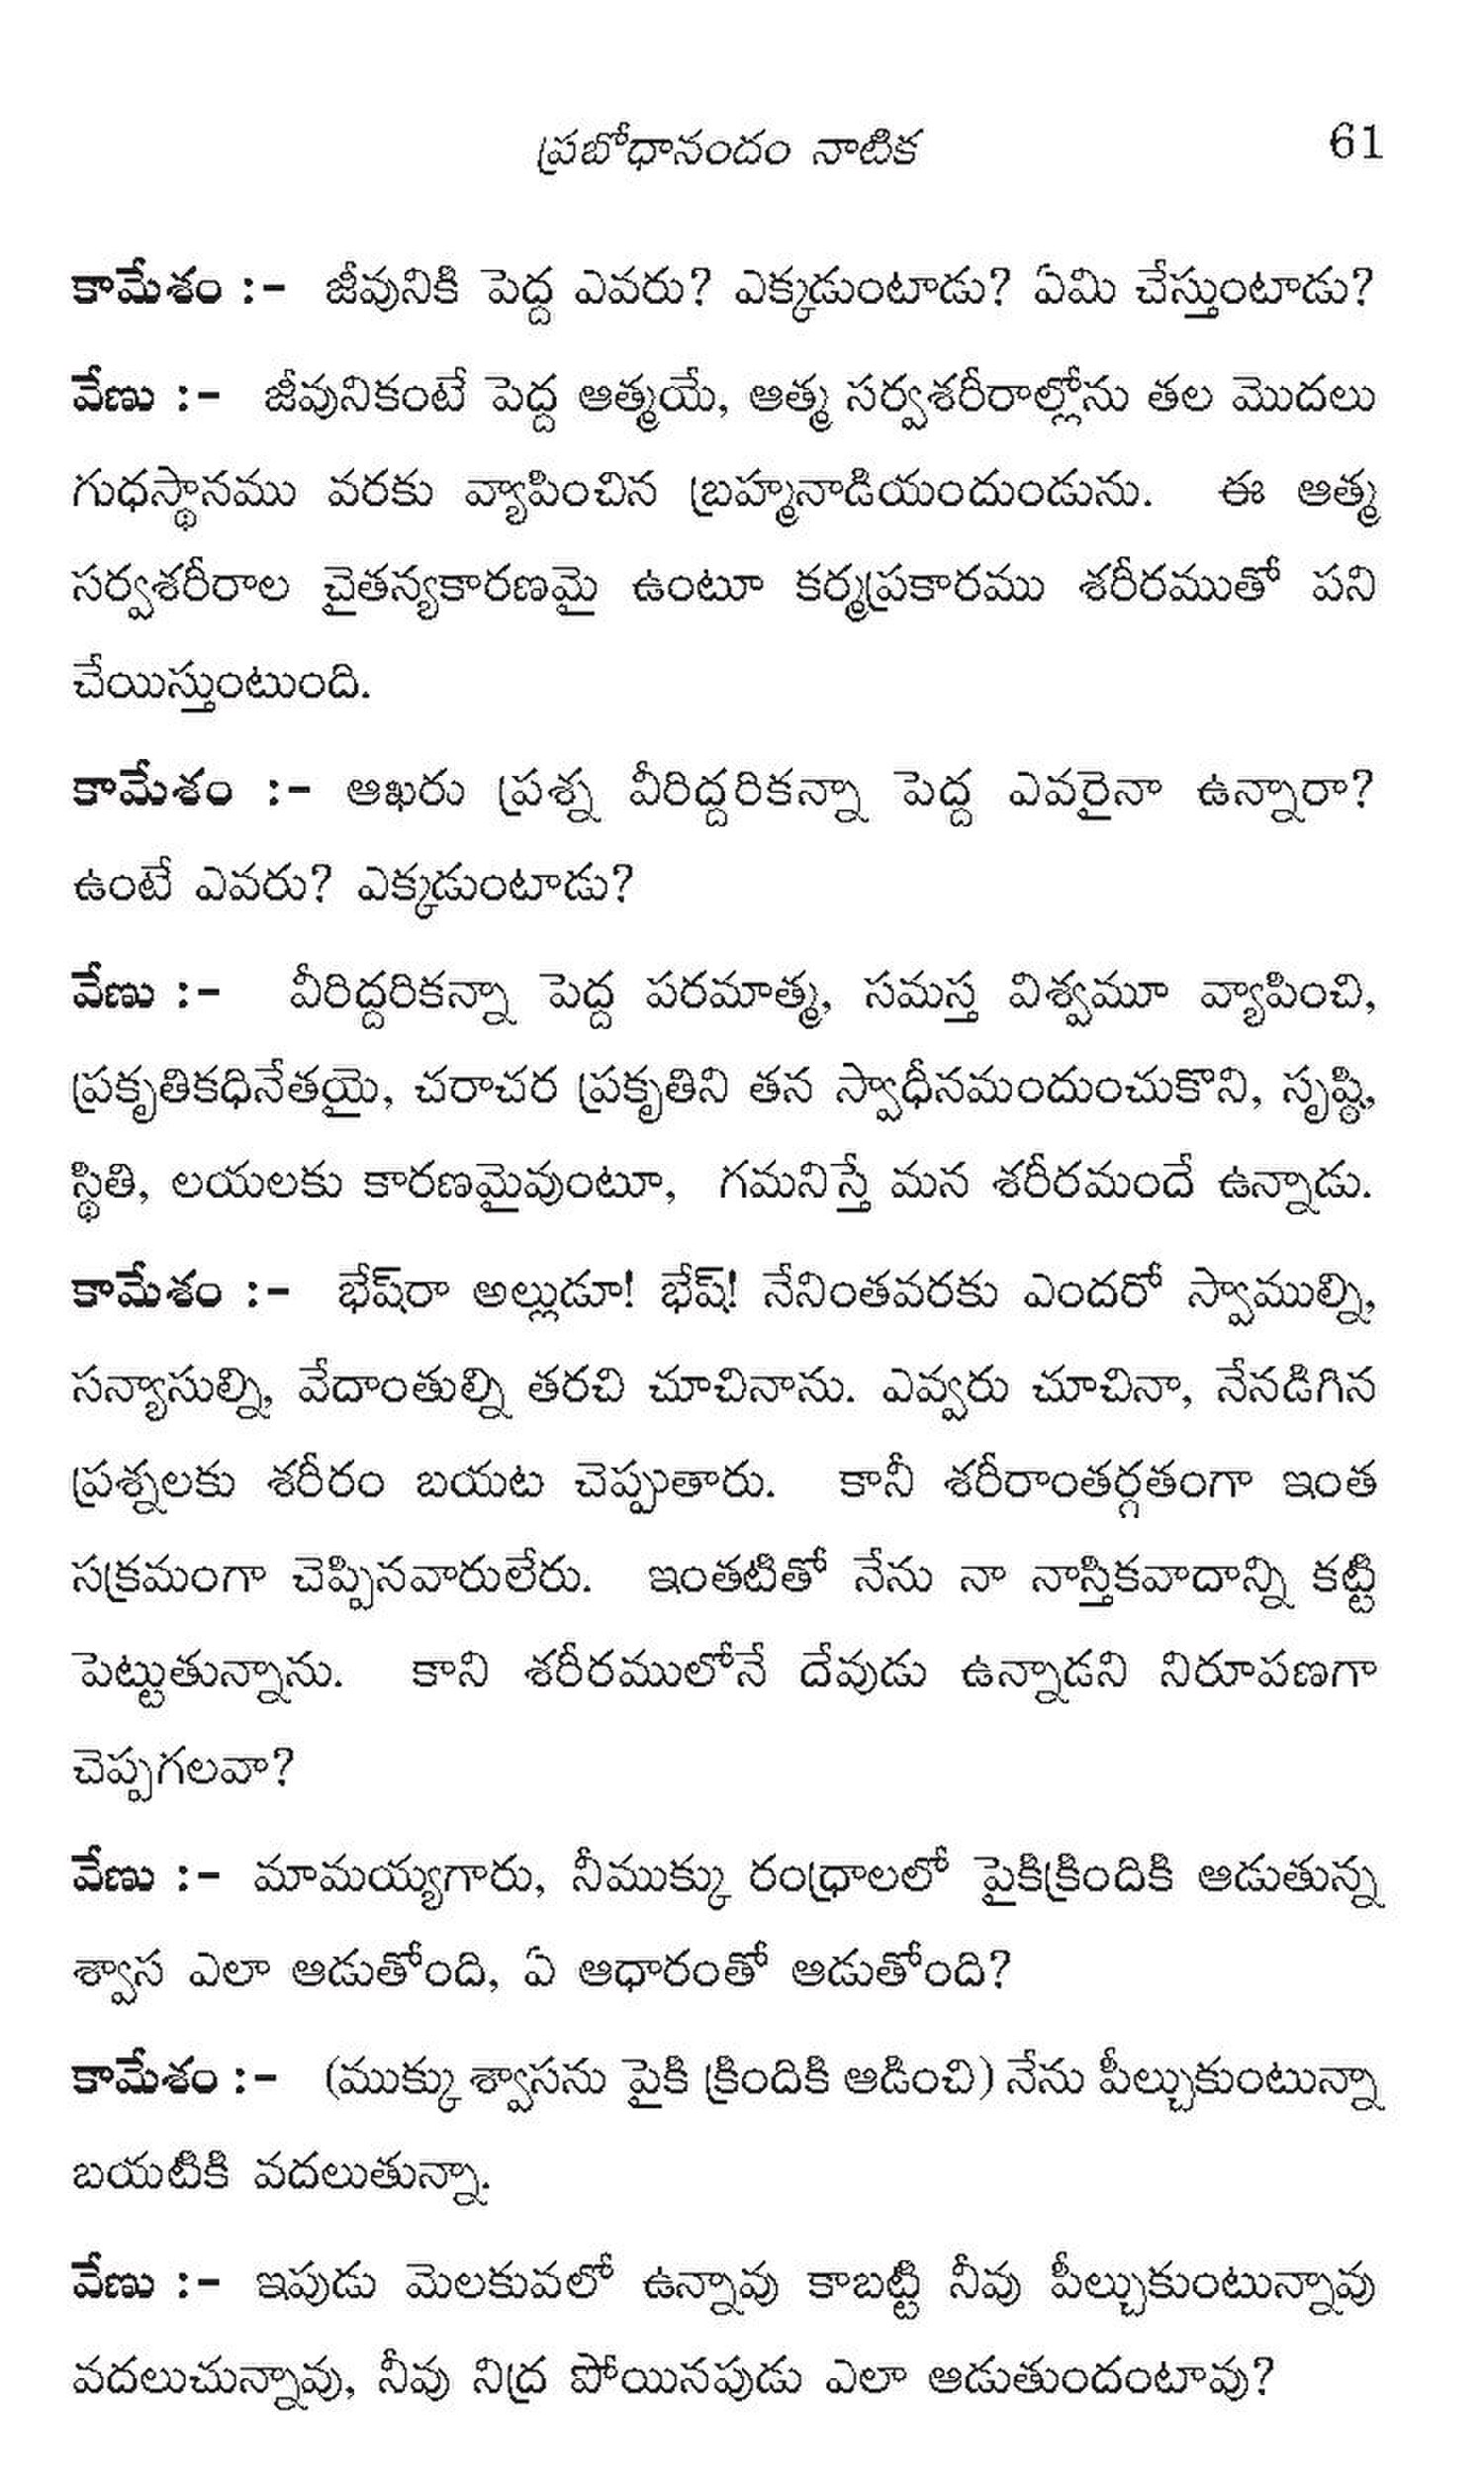కామేశం :- జీవునికి పెద్ద ఎవరు? ఎక్కడుంటాడు? ఏమి చేస్తుంటాడు? 

వేణు :- జీవునికంటే పెద్ద ఆత్మయే, ఆత్మ సర్వశరీరాల్లోను తల మొదలు గుధస్థానము వరకు వ్యాపించిన బ్రహ్మనాడియందుండును. ఈ ఆత్మ సర్వశరీరాల చైతన్యకారణమై ఉంటూ కర్మప్రకారము శరీరముతో పని చేయిస్తుంటుంది.

కామేశం :- ఆఖరు ప్రశ్న వీరిద్దరికన్నా పెద్ద ఎవరైనా ఉన్నారా? ఉంటే ఎవరు? ఎక్కడుంటాడు? 

వేణు :-	 వీరిద్దరికన్నా పెద్ద పరమాత్మ, సమస్త విశ్వమూ వ్యాపించి, ప్రకృతికధినేతయై, చరాచర ప్రకృతిని తన స్వాధీనమందుంచుకొని, సృష్ఠి, స్థితి, లయలకు కారణమైవుంటూ, గమనిస్తే మన శరీరమందే ఉన్నాడు.

కామేశం :- భేష్‌రా అల్లుడూ! భేష్‌! నేనింతవరకు ఎందరో స్వాముల్ని, సన్యాసుల్ని, వేదాంతుల్ని తరచి చూచినాను. ఎవ్వరు చూచినా, నేనడిగిన ప్రశ్నలకు శరీరం బయట చెప్పుతారు. కానీ శరీరాంతర్గతంగా ఇంత సక్రమంగా చెప్పినవారులేరు. ఇంతటితో నేను నా నాస్తికవాదాన్ని కట్టి పెట్టుతున్నాను. కాని శరీరములోనే దేవుడు ఉన్నాడని నిరూపణగా చెప్పగలవా?

వేణు :-	 మామయ్యగారు, నీముక్కు రంధ్రాలలో పైకిక్రిందికి ఆడుతున్న శ్వాస ఎలా ఆడుతోంది, ఏ ఆధారంతో ఆడుతోంది?

కామేశం :- (ముక్కు శ్వాసను పైకి క్రిందికి ఆడించి) నేను పీల్చుకుంటున్నా బయటికి వదలుతున్నా.

వేణు :-	 ఇపుడు మెలకువలో ఉన్నావు కాబట్టి నీవు పీల్చుకుంటున్నావు వదలుచున్నావు, నీవు నిద్ర పోయినపుడు ఎలా ఆడుతుందంటావు?